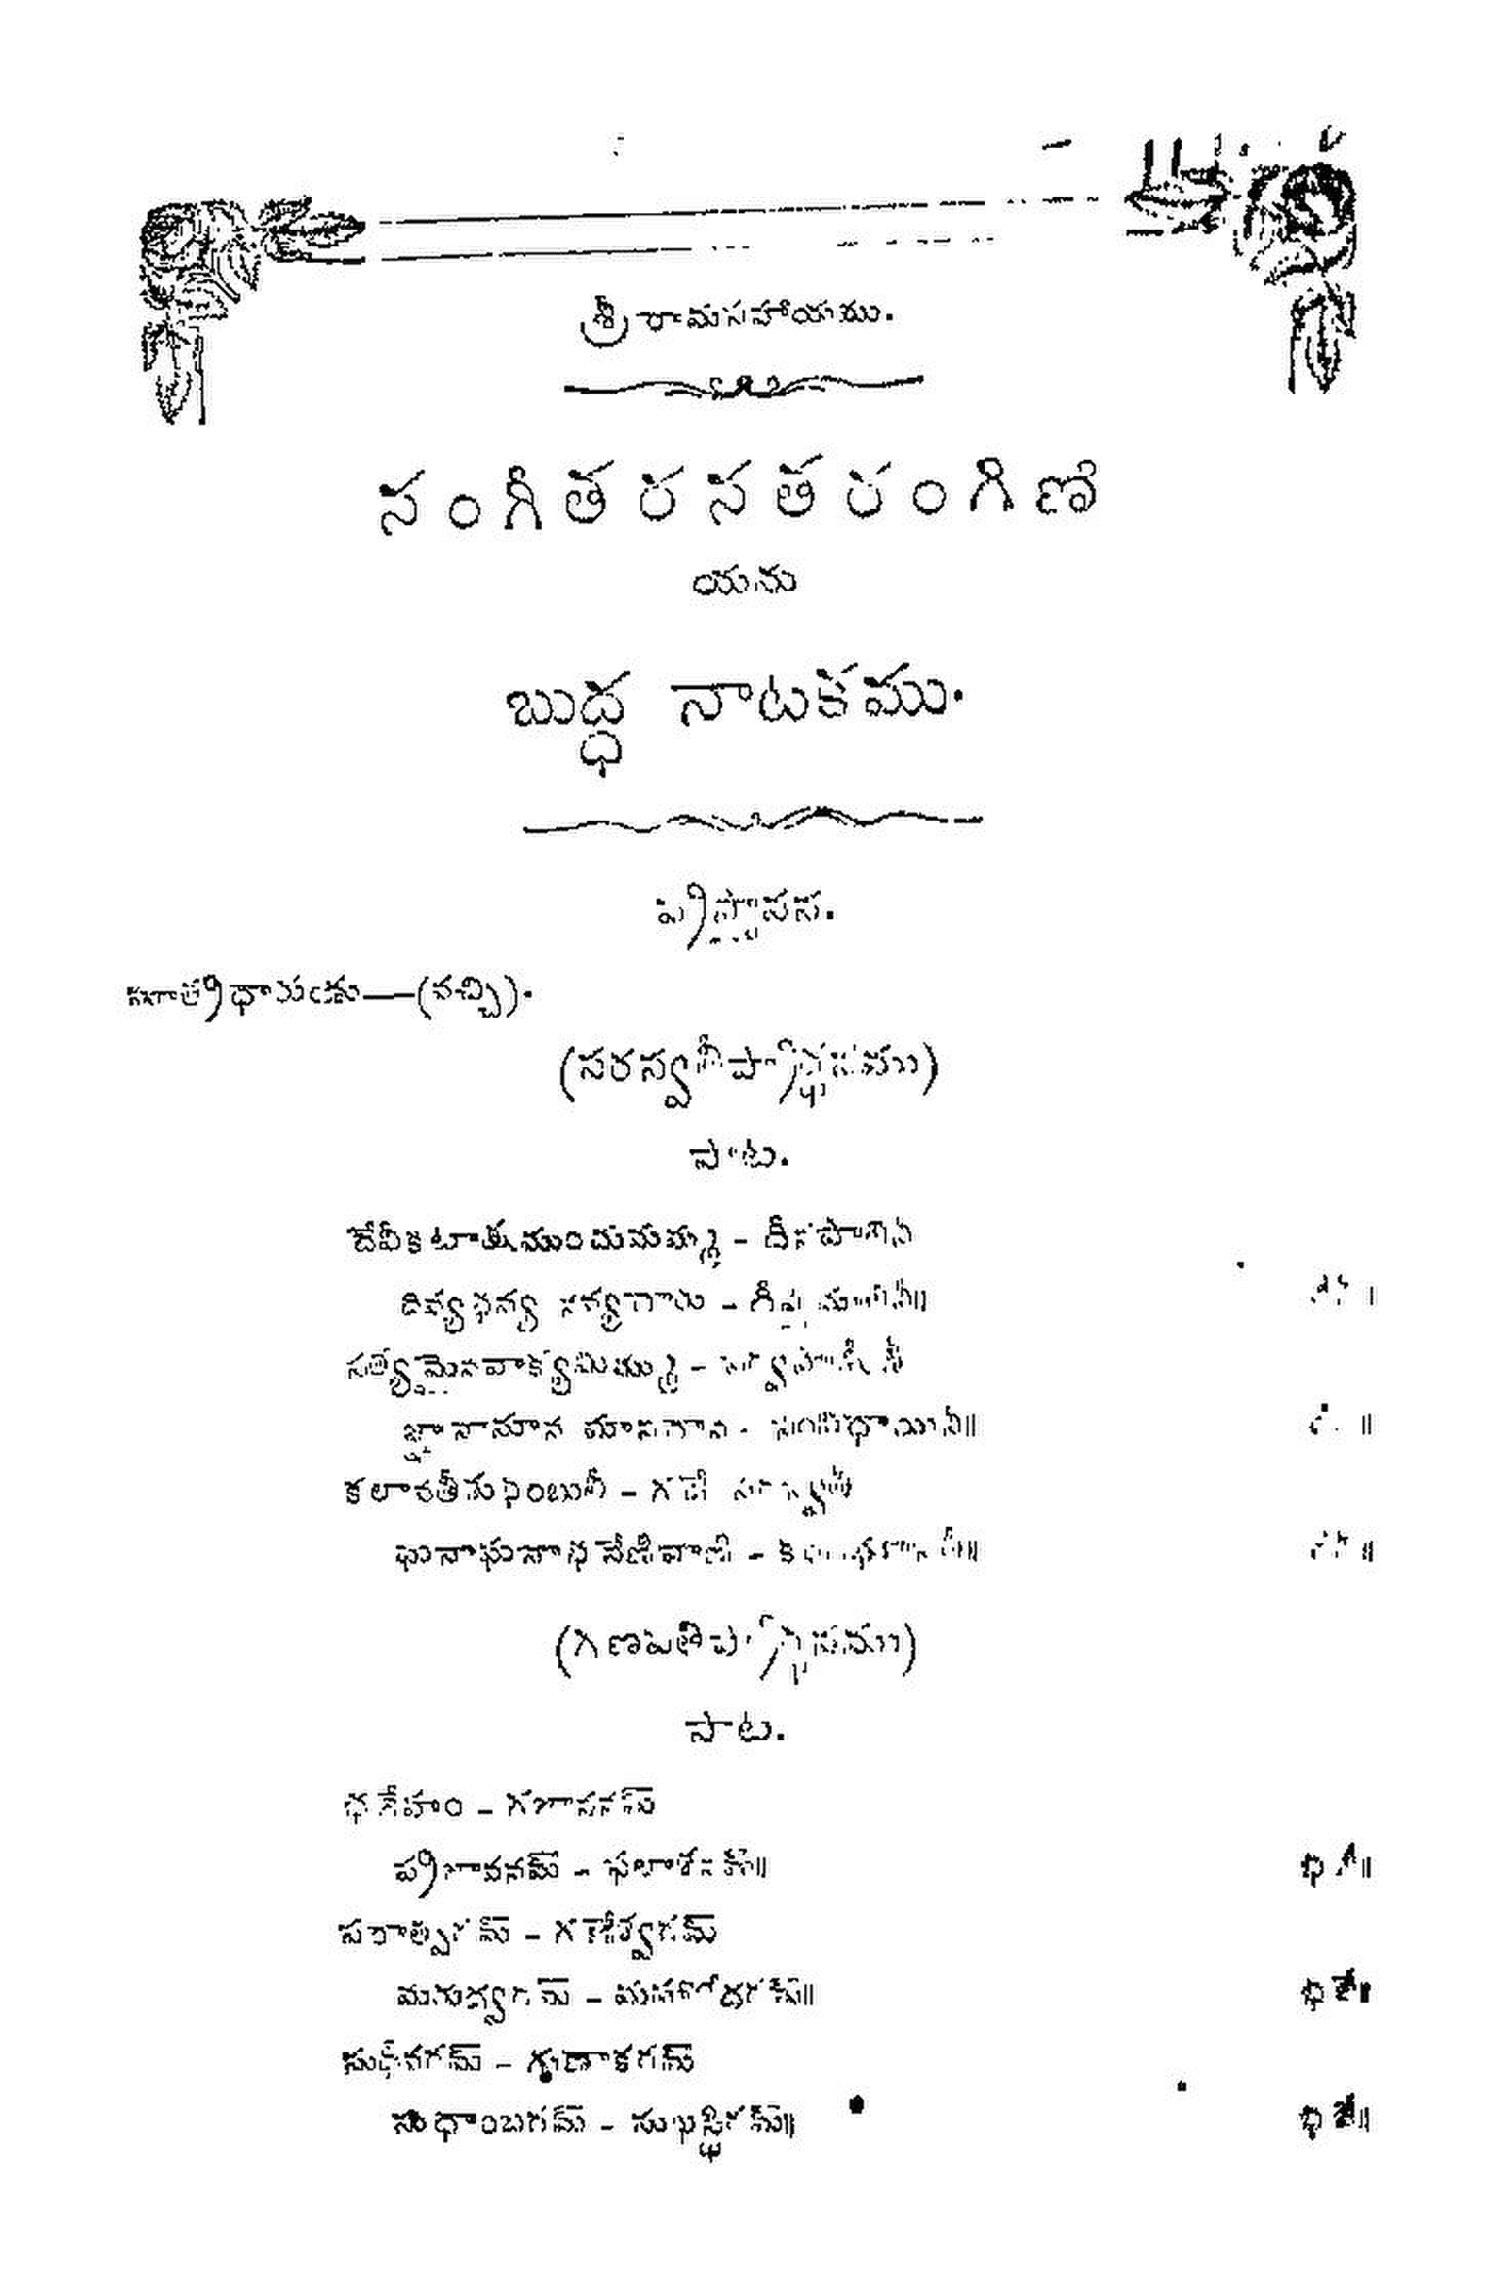సంగీతరసతరంగిణి
 
యను 
 
బుద్ధ నాటకము

 
ప్రస్తావన

సూత్రధారుఁడు——(వచ్చి).

 
(సరస్వతీ ప్రార్థసము)

 
పాట 
దేవీ కటాకముందు మమ్మ - దీనపాలిఏ 
 దివ్యధన్య నవ్య గారు - గీసి మా ॥దేవీ॥
సత్యమైనవాక్యమిమ్ము సర్వపాక్షిన్ 
 జ్ఞానాసూన మాసరాని సంవిధాయినీ ॥దేవీ॥
కలావతీడు భంబులీ – గణే సరస్వతీ 
 ఘనాఘనాభ నేణివాణి - కలభూషణీ॥దేవీ॥ 

 
(గణపతి ప్రార్థసము)

 
పాట
భజేహం - గజాననమ్॥ 
 ప్రభావనమ్ -ఫలాశనమ్ ॥భజే॥
పరాత్పరమ్ - గణేశ్వగమ్
 మరుద్వారమ్ - మహోదరమ్ ॥భజే॥
సుధీవరమ్ - గుణాకరమ్
 సుధాంబగమ్ - సుఖస్థిరమ్ ॥భజే॥